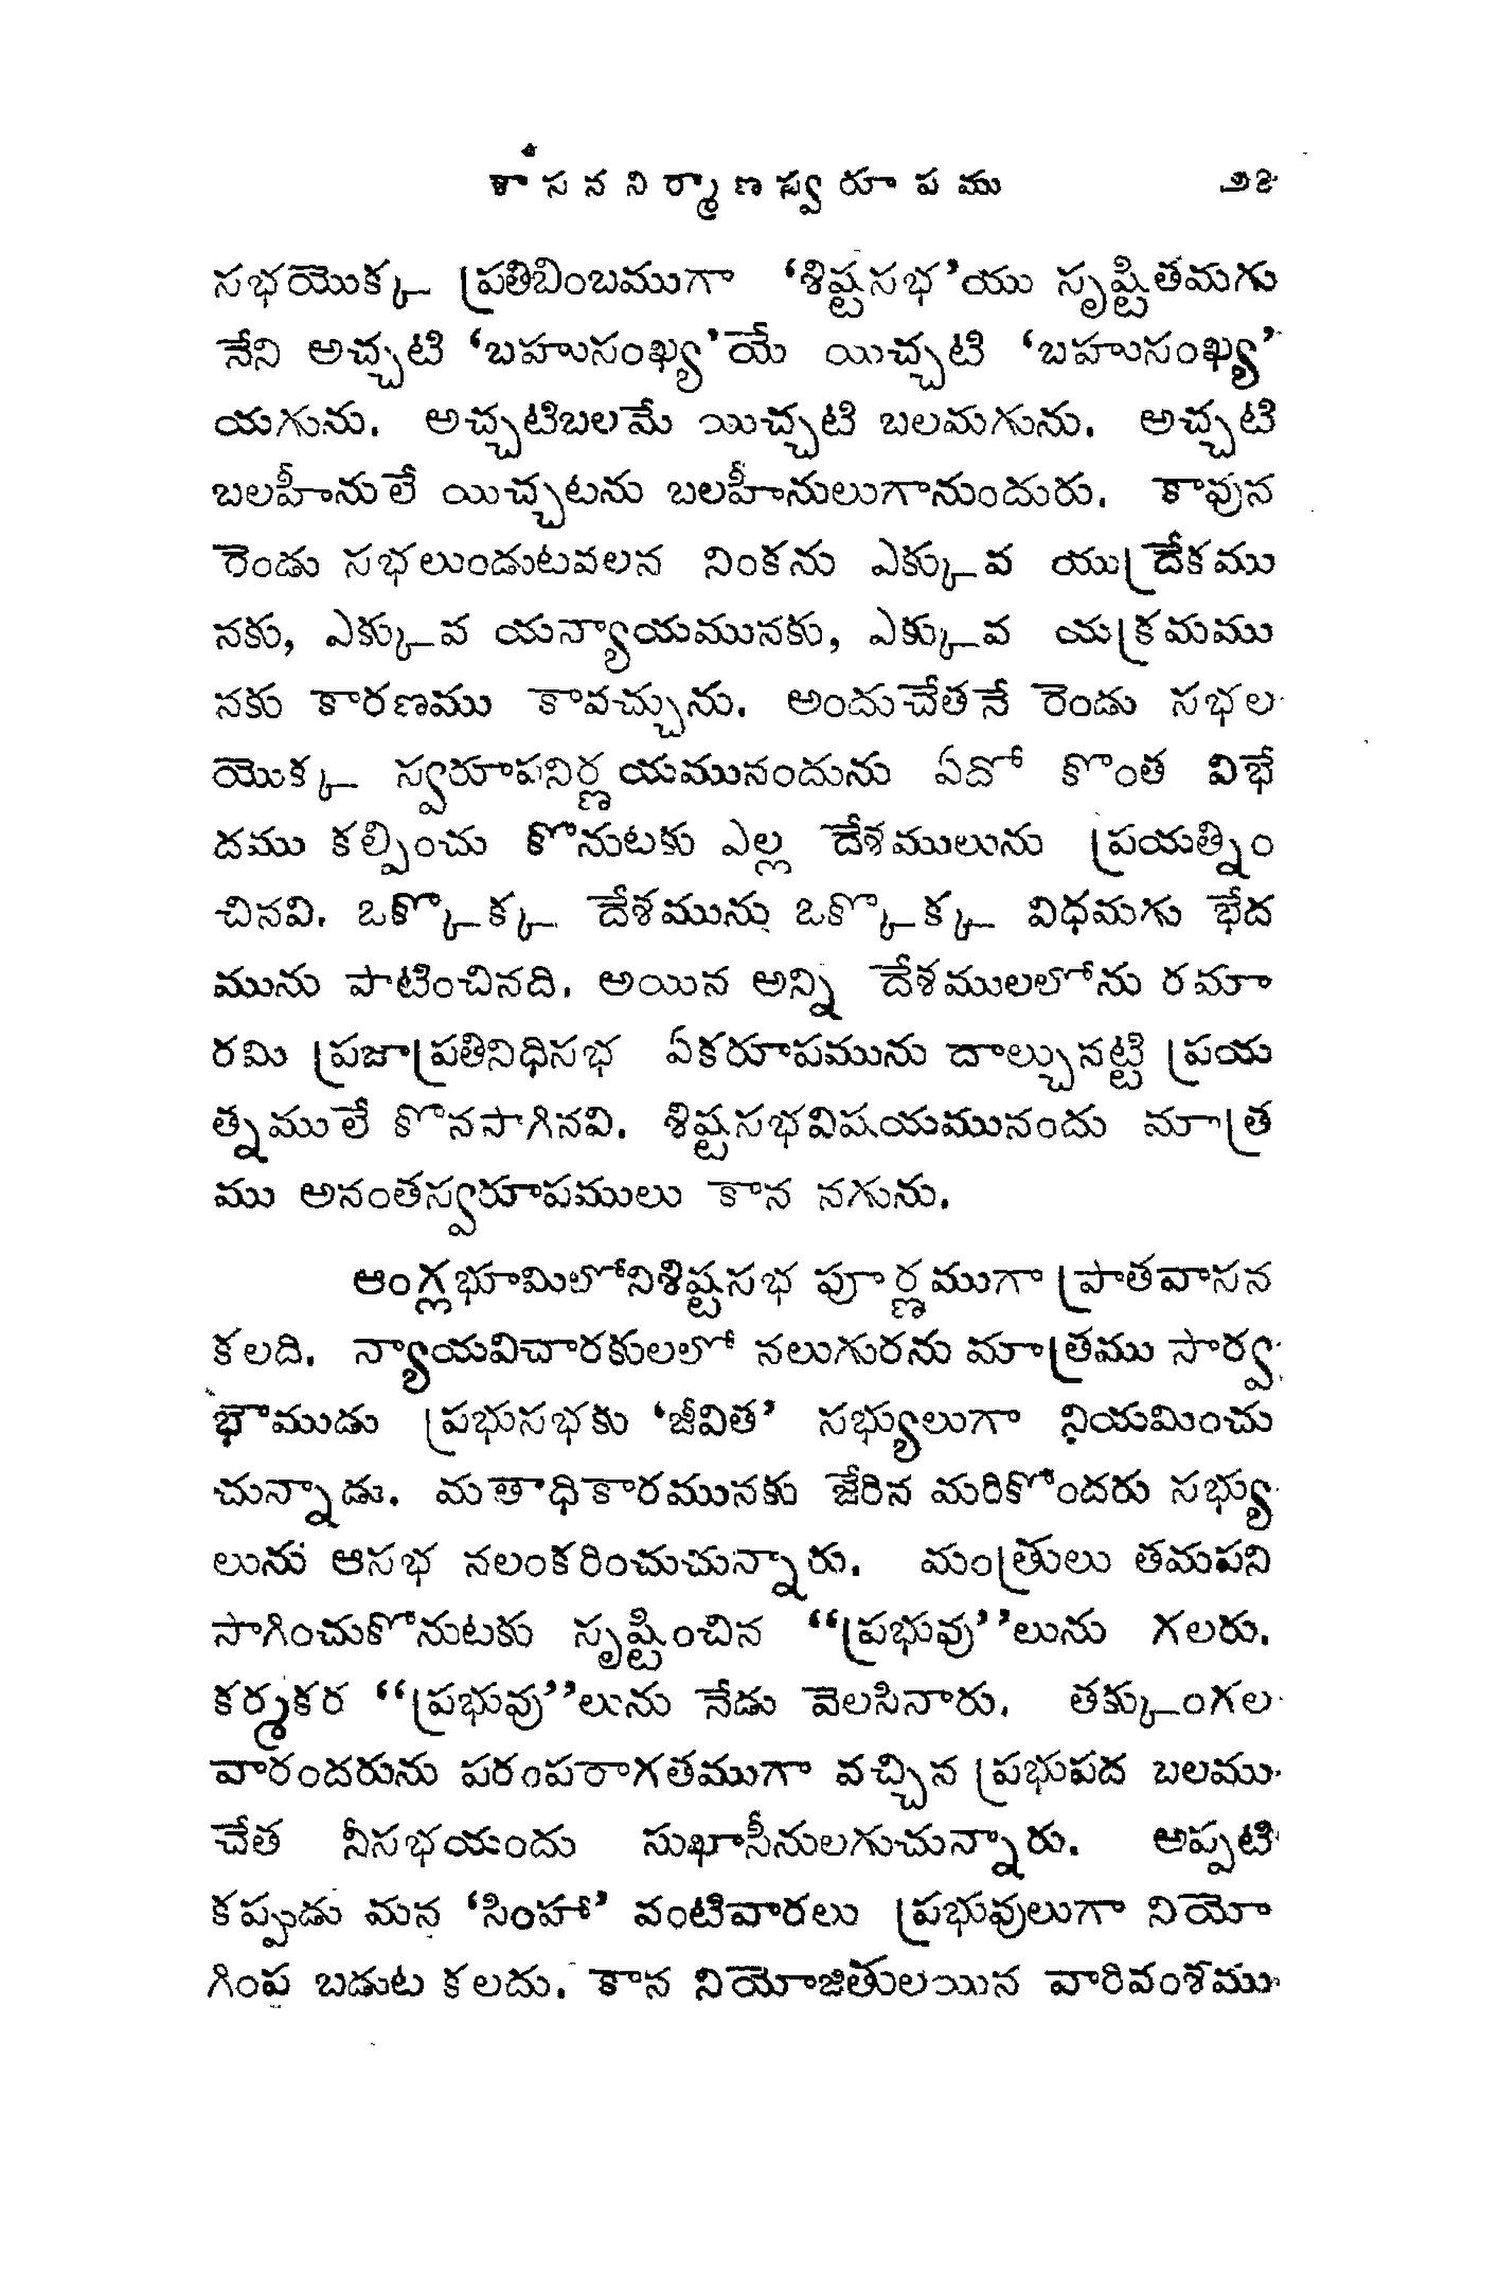సభయొక్క ప్రతిబింబముగా 'శిష్టసభ'యు సృష్టితమగు నేని అచ్చటి 'బహుసంఖ్య'యే యిచ్చటి 'బహుసంఖ్య' యగును. అచ్చటిబలమే యిచ్చటి బలమగును. అచ్చటి బలహీనులే యిచ్చటను బలహీనులుగానుందురు. కావున రెండు సభలుండుటవలన నింకను ఎక్కువ యుద్రేకమునకు, ఎక్కువ యన్యాయమునకు, ఎక్కువ యక్రమమునకు కారణము కావచ్చును. అందుచేతనే రెండు సభల యొక్క స్వరూపనిర్ణయమునందును ఏదో కొంత విభేదము కల్పించు కొనుటకు ఎల్ల దేశములును ప్రయత్నించినవి. ఒక్కొక్క దేశమును ఒక్కొక్క విధమగు భేదమును పాటించినది. అయిన
అన్ని దేశములలోను రమారమి ప్రజాప్రతినిధిసభ ఏకరూపమును దాల్చునట్టి ప్రయత్నములే కొనసాగినవి. శిష్టసభవిషయమునందు మాత్రము అనంతస్వరూపములు కాన నగును.

ఆంగ్లభూమిలోనిశిష్టసభ పూర్ణముగా ప్రాతవాసన కలది. న్యాయవిచారకులలో నలుగురను మాత్రము సార్వభౌముడు ప్రభుసభకు 'జీవిత ' సభ్యులుగా నియమించుచున్నాడు. మతాధికారమునకు జేరిన మరికొందరు సభ్యులును ఆసభ నలంకరించుచున్నారు. మంత్రులు తమపని సాగించుకొనుటకు సృష్టించిన “ప్రభువు 'లును గలరు. కర్మకర “ప్రభువు ”లును నేడు వెలసినారు. తక్కుంగల
వారందరును పరంపరాగతముగా వచ్చిన ప్రభుపద బలము చేత నీసభయందు సుఖాసీనులగు చున్నారు. అప్పటికప్పుడు మన 'సింహా' వంటివారలు ప్రభువులుగా నియోగింప బడుట కలదు. కాన నియోజితులయిన వారివంశము